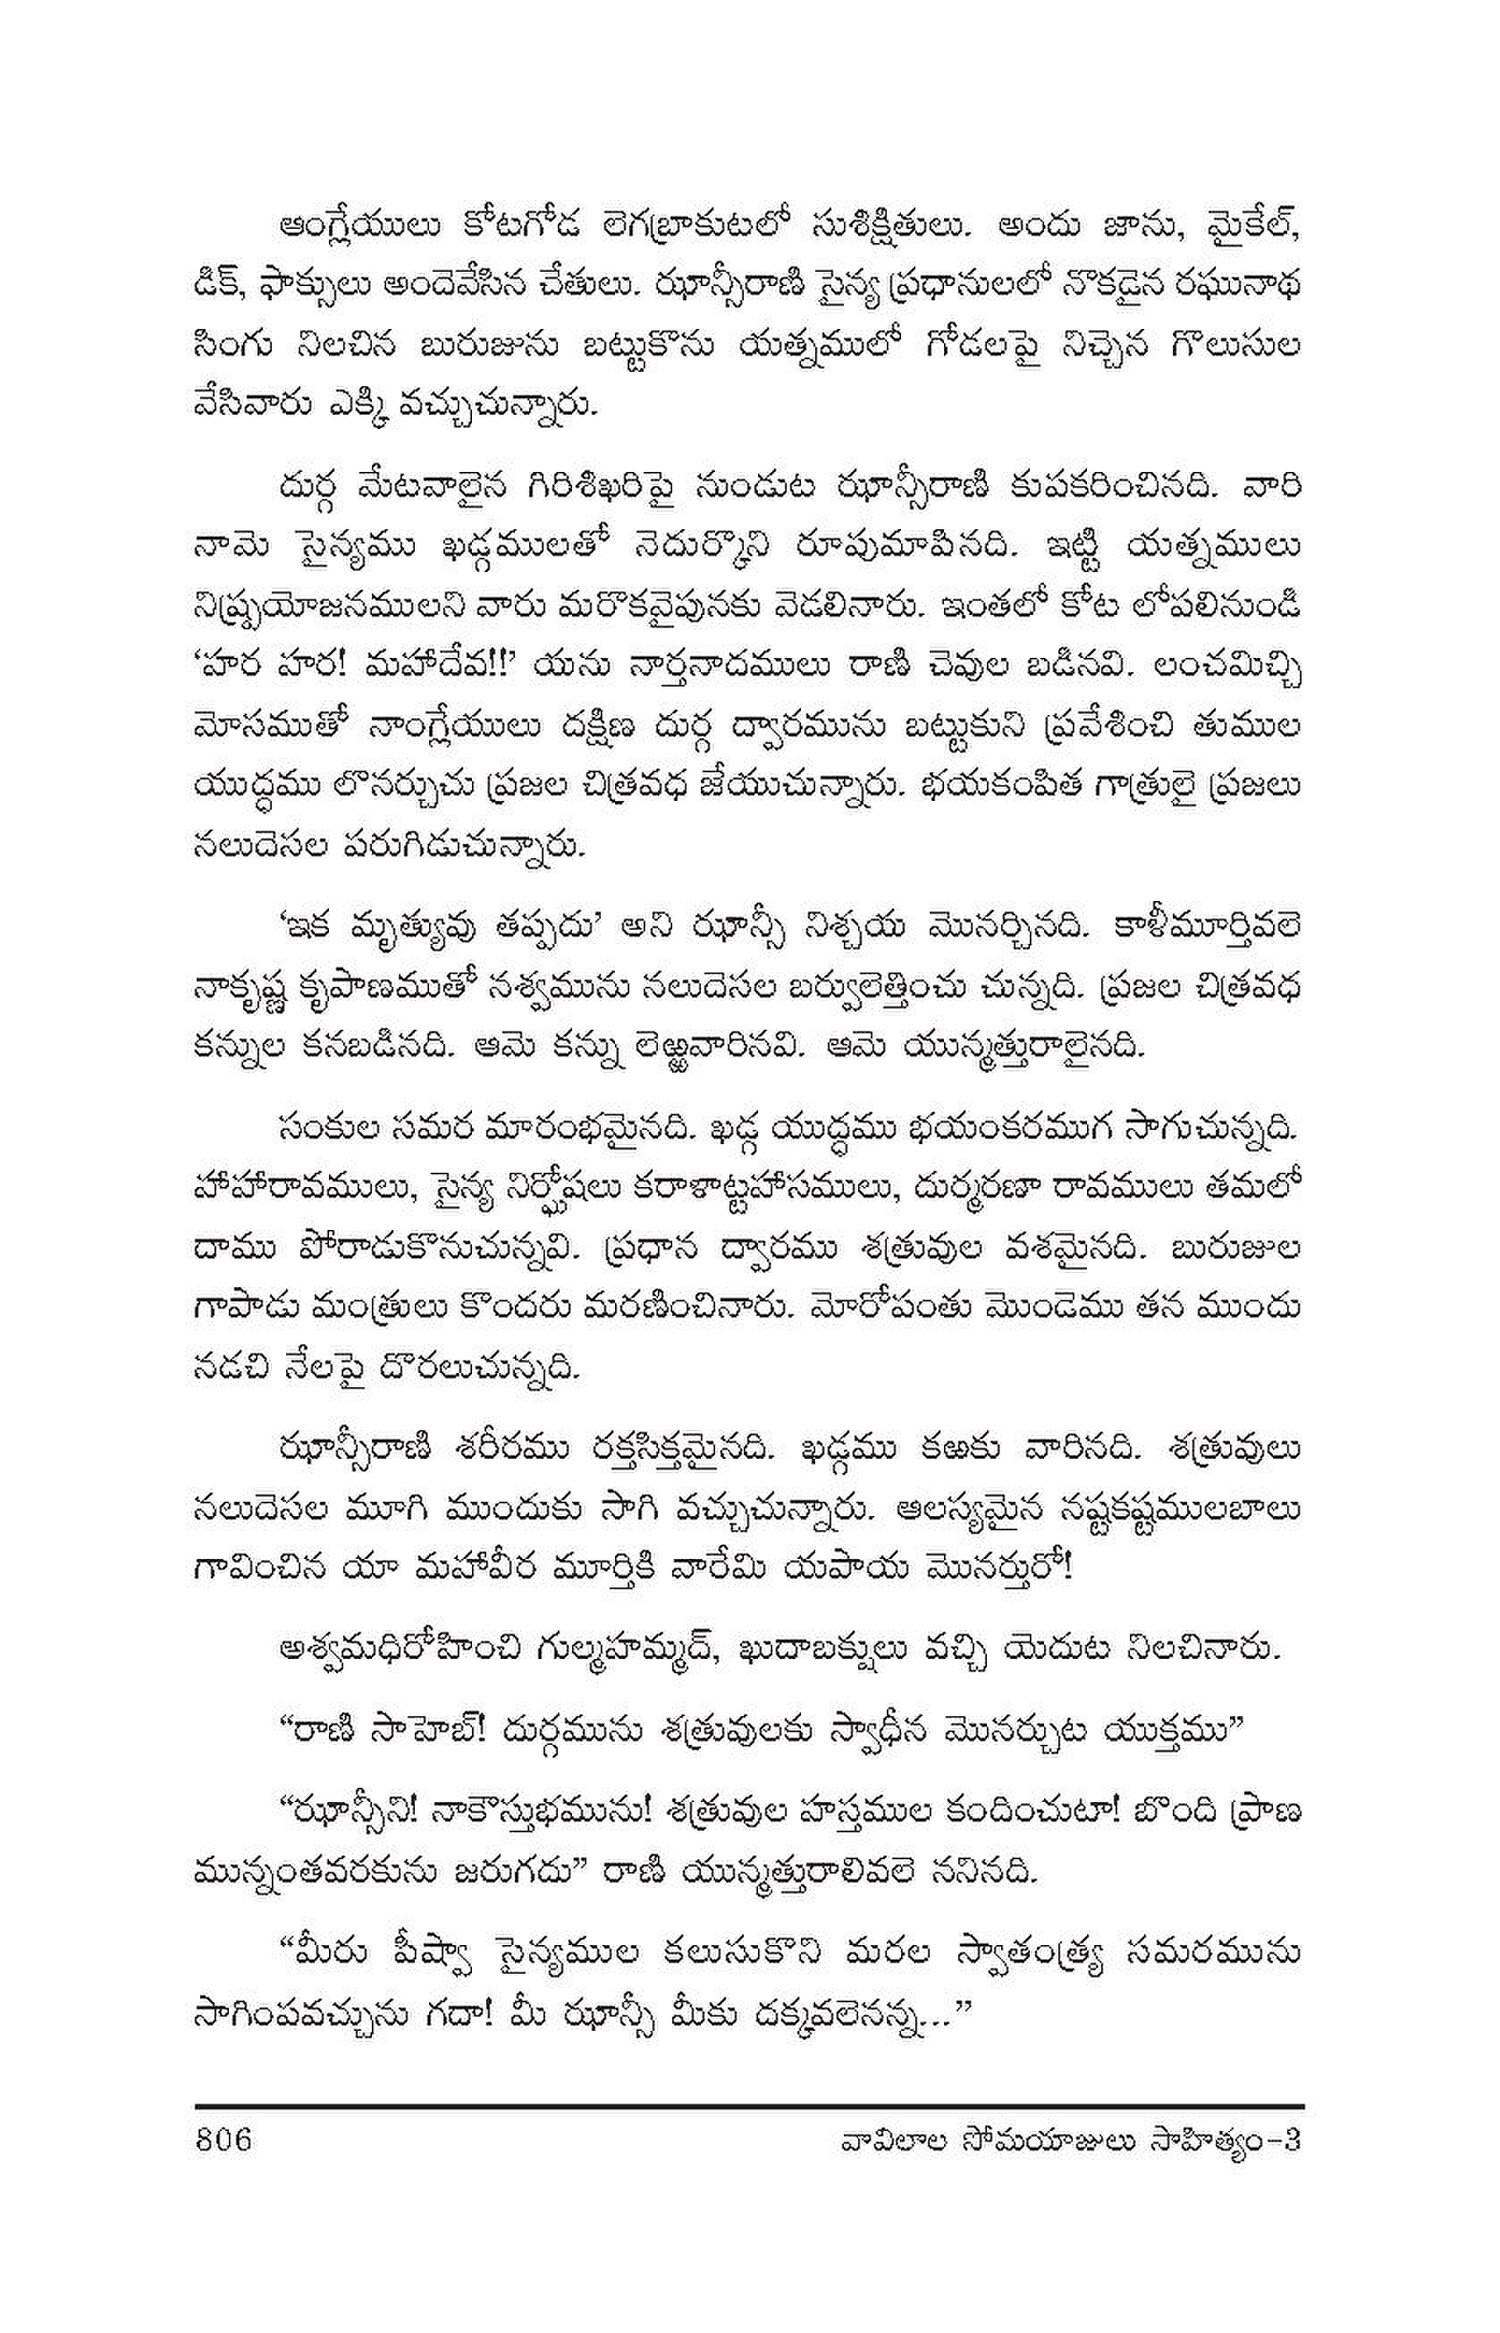ఆంగ్లేయులు కోటగోడ లెగబ్రాకుటలో సుశిక్షితులు. అందు జాను, మైకేల్, డిక్, ఫాక్సులు అందెవేసిన చేతులు. ఝాన్సీరాణి సైన్య ప్రధానులలో నొకడైన రఘునాథ సింగు నిలచిన బురుజును బట్టుకొను యత్నములో గోడలపై నిచ్చెన గొలుసుల వేసివారు ఎక్కి వచ్చుచున్నారు.

దుర్గ మేటవాలైన గిరిశిఖరిపై నుండుట ఝాన్సీరాణి కుపకరించినది. వారి నామె సైన్యము ఖడ్గములతో నెదుర్కొని రూపుమాపినది. ఇట్టి యత్నములు నిష్ప్రయోజనములని వారు మరొకవైపునకు వెడలినారు. ఇంతలో కోట లోపలినుండి 'హర హర! మహాదేవ!!' యను నార్తనాదములు రాణి చెవుల బడినవి. లంచమిచ్చి మోసముతో నాంగ్లేయులు దక్షిణ దుర్గ ద్వారమును బట్టుకుని ప్రవేశించి తుముల యుద్ధము లొనర్చుచు ప్రజల చిత్రవధ జేయుచున్నారు. భయకంపిత గాత్రులై ప్రజలు నలుదెసల పరుగిడుచున్నారు.

'ఇక మృత్యువు తప్పదు' అని ఝాన్సీ నిశ్చయ మొనర్చినది. కాళీమూర్తివలె నాకృష్ణ కృపాణముతో నశ్వమును నలుదెసల బర్వులెత్తించు చున్నది. ప్రజల చిత్రవధ కన్నుల కనబడినది. ఆమె కన్ను లెఱ్ఱవారినవి. ఆమె యున్మత్తురాలైనది.

సంకుల సమర మారంభమైనది. ఖడ్గ యుద్ధము భయంకరముగ సాగుచున్నది. హాహారావములు, సైన్య నిర్దోషలు కరాళాట్టహాసములు, దుర్మరణా రావములు తమలో దాము పోరాడుకొనుచున్నవి. ప్రధాన ద్వారము శత్రువుల వశమైనది. బురుజుల గాపాడు మంత్రులు కొందరు మరణించినారు. మోరోపంతు మొండెము తన ముందు నడచి నేలపై దొరలుచున్నది.

ఝాన్సీరాణి శరీరము రక్తసిక్తమైనది. ఖడ్గము కఱకు వారినది. శత్రువులు నలుదెసల మూగి ముందుకు సాగి వచ్చుచున్నారు. ఆలస్యమైన నష్టకష్టములబాలు గావించిన యా మహావీర మూర్తికి వారేమి యపాయ మొనర్తురో!

అశ్వమధిరోహించి గుల్మహమ్మద్, ఖుదాబక్షులు వచ్చి యెదుట నిలచినారు.

"రాణి సాహెబ్! దుర్గమును శత్రువులకు స్వాధీన మొనర్చుట యుక్తము”

"ఝాన్సీని! నాకౌస్తుభమును! శత్రువుల హస్తముల కందించుటా! బొంది ప్రాణ

మున్నంతవరకును జరుగదు" రాణి యున్మత్తురాలివలె ననినది.

“మీరు పీష్వా సైన్యముల కలుసుకొని మరల స్వాతంత్ర్య సమరమును సాగింపవచ్చును గదా! మీ ఝాన్సీ మీకు దక్కవలెనన్న...”